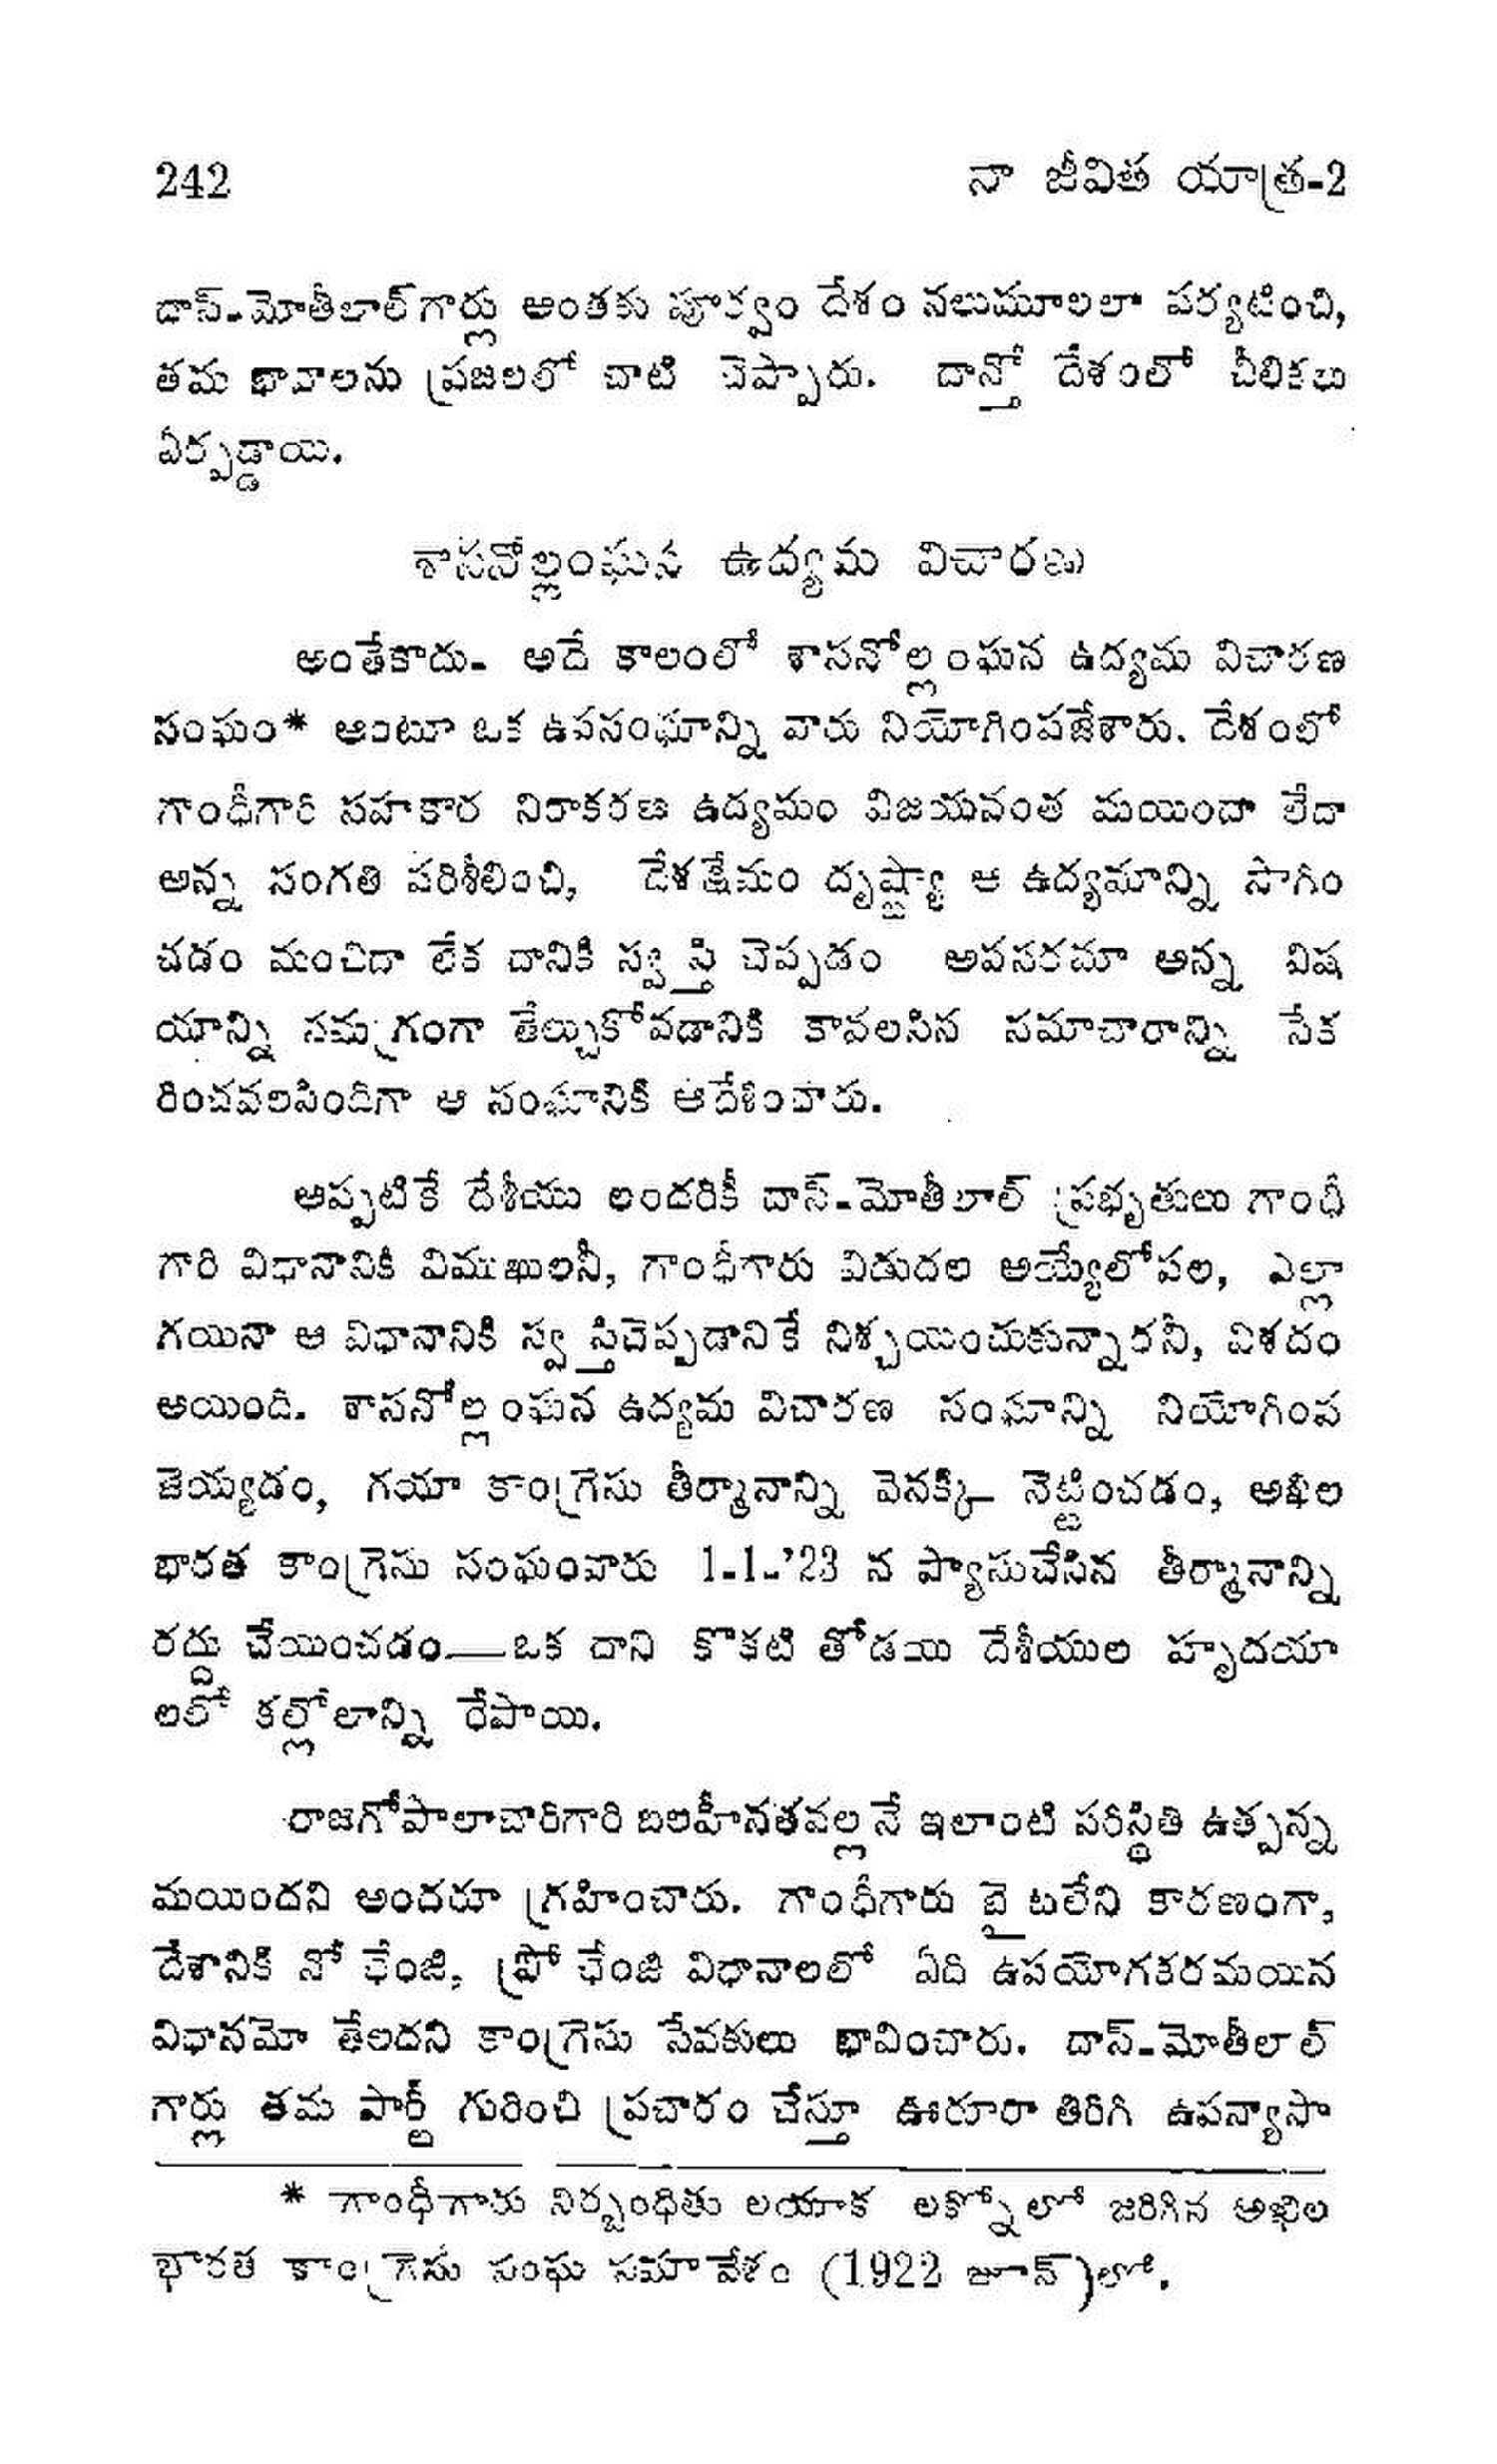దాస్-మోతిలాల్‌గార్లు అంతకు పూర్వం దేశం నలుమూలలా పర్యటించి, తమ భావాలను ప్రజలతో చాటి చెప్పారు. దాన్తో దేశంలో చీలికలు ఏర్పడ్డాయి.

అంతేకాదు. అదే కాలంలో శాసనోల్లంఘన ఉద్యమ విచారణ సంఘం అంటూ ఒక ఉపసంఘాన్ని వారు నియోగింపజేశారు. దేశంలో గాంధీగారి సహకార నిరాకరణ ఉద్యమం విజయవంత మయిందా లేదా అన్న సంగతి పరిశీలించి, దేశక్షేమం దృష్ట్యా ఆ ఉద్యమాన్ని సాగించడం మంచిదా లేక దానికి స్వస్తి చెప్పడం అవసరమా అన్న విషయాన్ని సమగ్రంగా తేల్చుకోవడానికి కావలసిన సమాచారాన్ని సేకరించవలసిందిగా ఆ సంఘానికి ఆదేశించారు.

అప్పటికే దేశీయు లందరికీ దాస్-మోతిలాల్ ప్రభృతులు గాంధీగారి విధానానికి విముఖులనీ, గాంధీగారు విడుదల అయ్యేలోపల, ఎల్లా గయినా ఆ విధానానికి స్వస్తిచెప్పడానికే నిశ్చయించుకున్నారనీ, విశదం అయింది. శాసనోల్లంఘన ఉద్యమ విచారణ సంఘాన్ని నియోగింప జెయ్యడం, గయా కాంగ్రెసు తీర్మానాన్ని వెనక్కి నెట్టించడం, అఖిల భారత కాంగ్రెసు సంఘంవారు 1-1-1923 న ప్యాసుచేసిన తీర్మానాన్ని రద్దు చేయించడం-ఒక దాని కొకటి తోడయి దేశీయుల హృదయాలలో కల్లోలాన్ని రేపాయి.

రాజగోపాలాచారిగారి బలహీనతవల్లనే ఇలాంటి పరిస్థితి ఉత్పన్న మయిందని అందరూ గ్రహించారు. గాంధీగారు బైటలేని కారణంగా, దేశానికి నో ఛేంజి, ప్రో ఛేంజి విధానాలలో ఏది ఉపయోగకరమయిన విధానమో తేలదని కాంగ్రెసు సేవకులు భావించారు. దాస్-మోతిలాల్ గార్లు తమ పార్టీ గురించి ప్రచారం చేస్తూ ఊరూరా తిరిగి ఉపన్యాసా